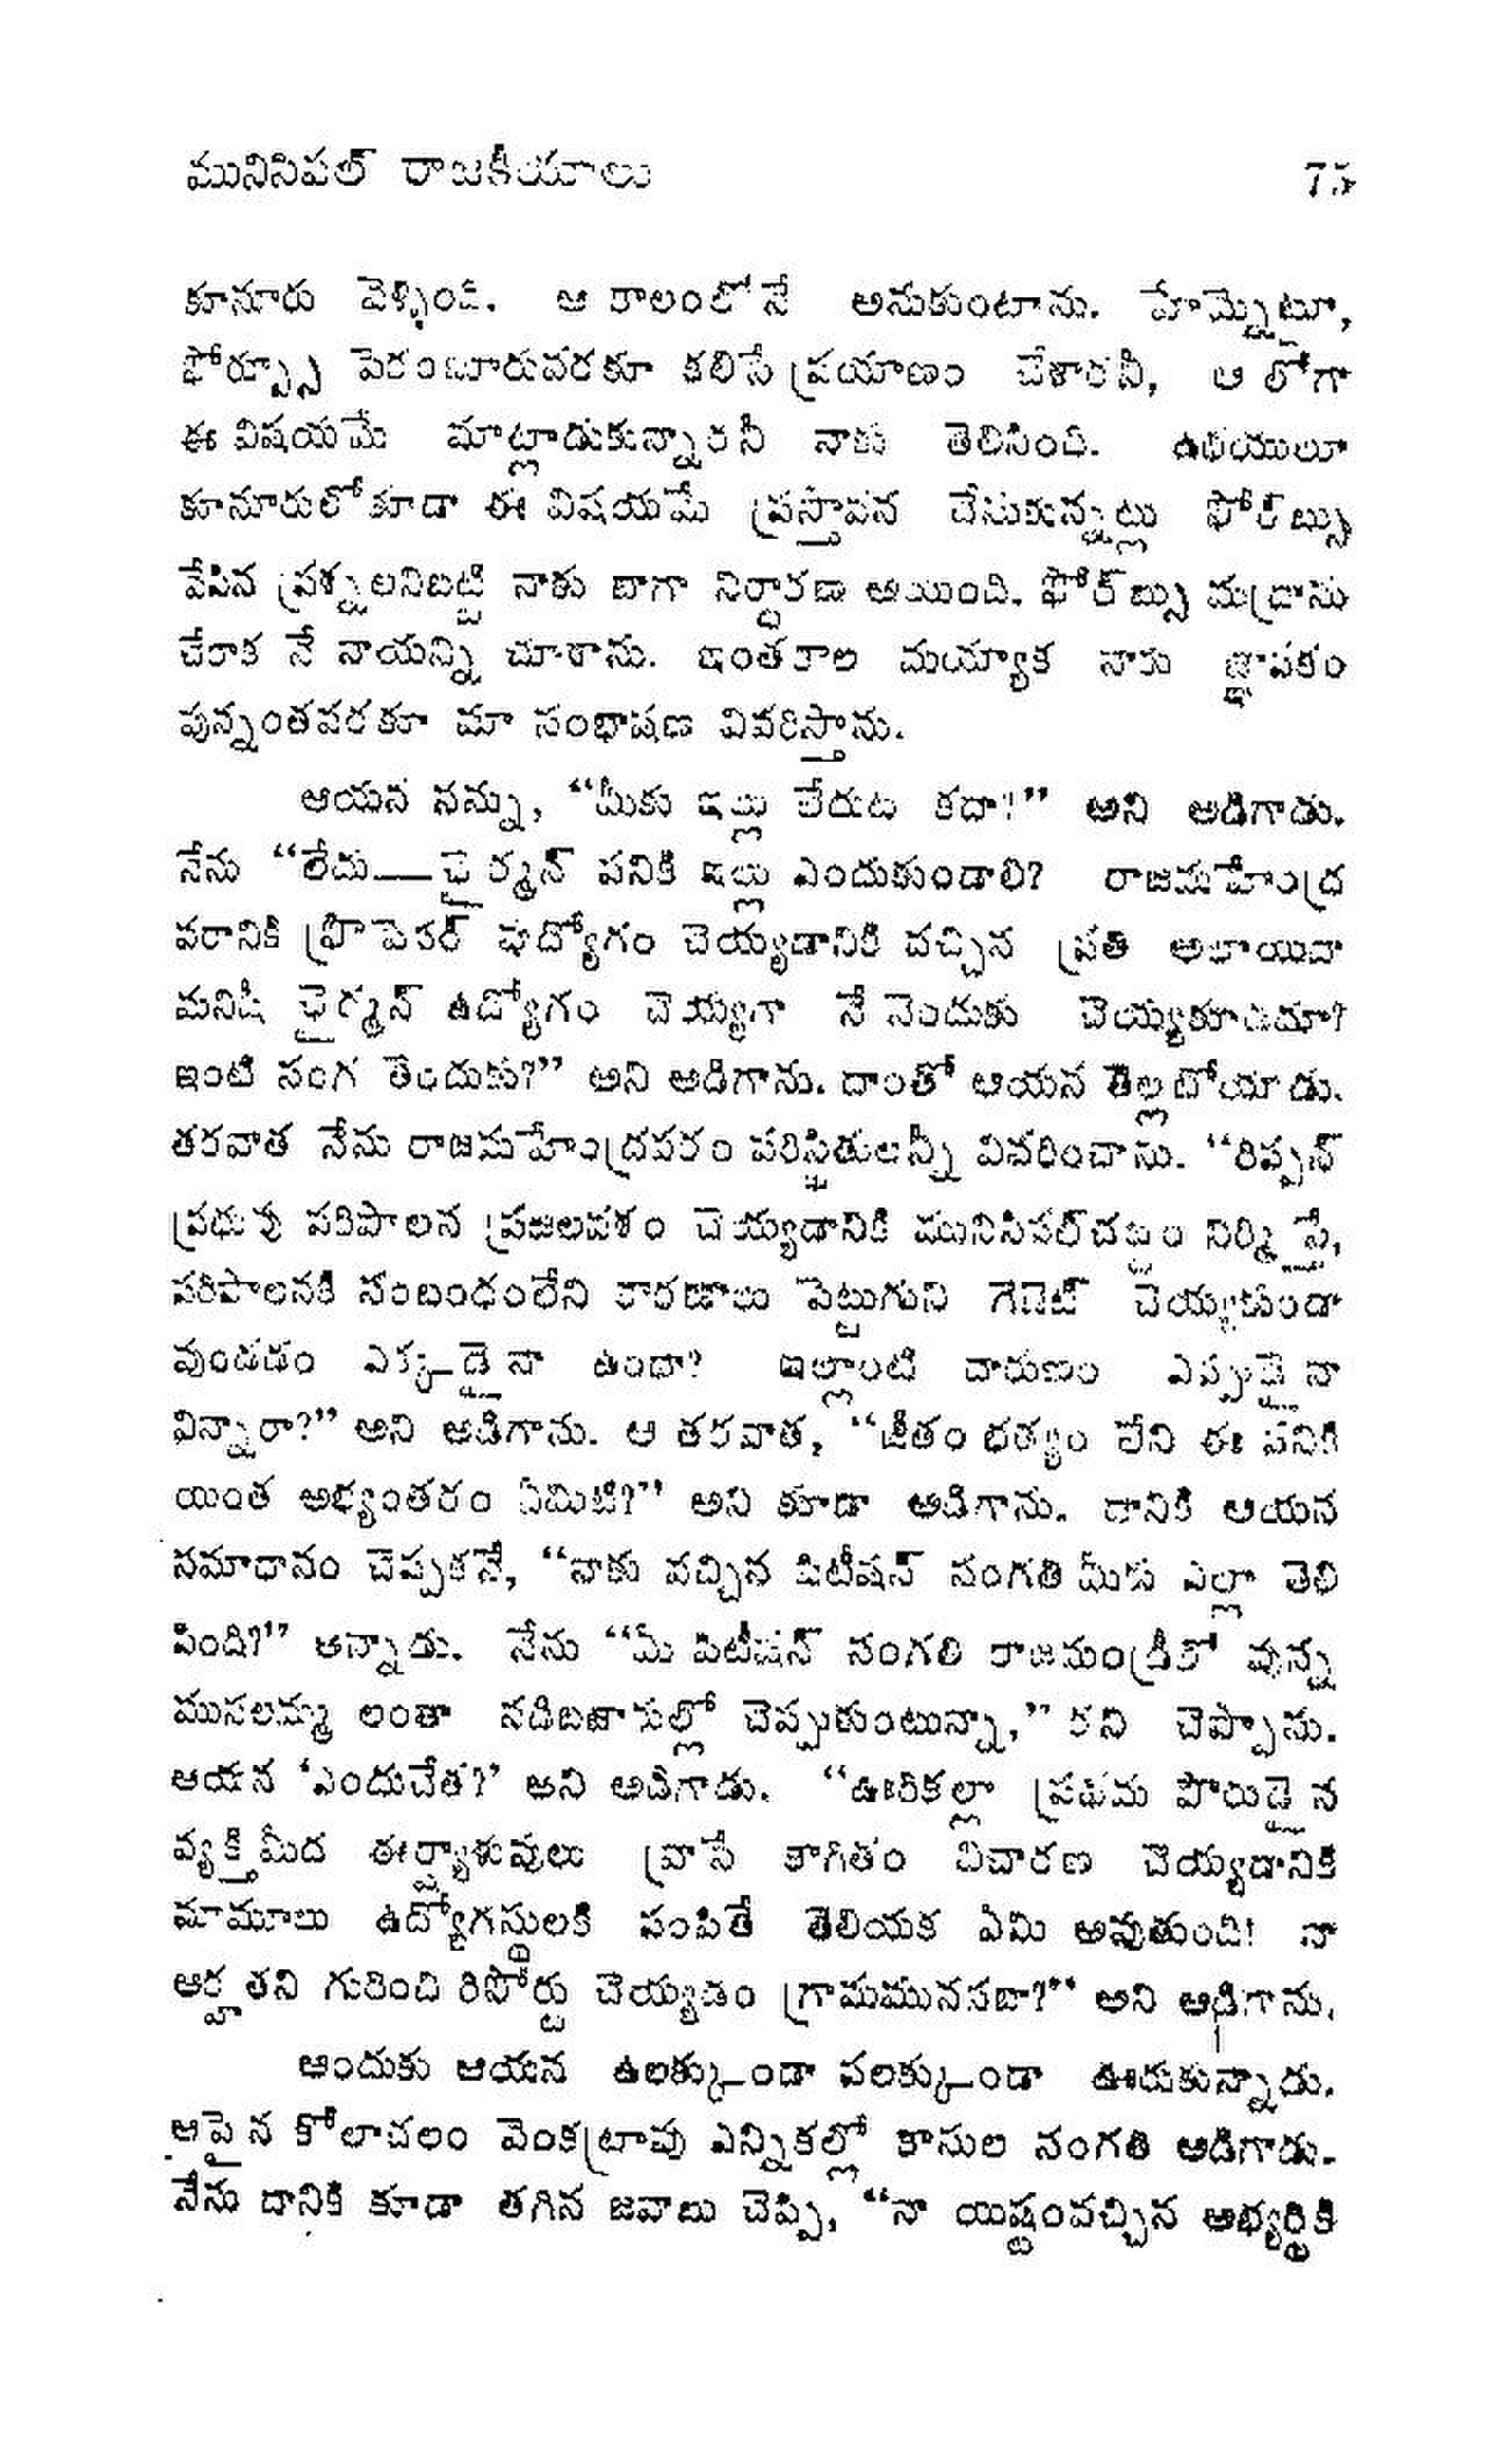కూనూరు వెళ్ళింది. ఆ కాలంలోనే అనుకుంటాను. హేమ్నెటూ, ఫోర్ప్సూ పెరంబూరువరకూ కలిసే ప్రయాణం కలిసే ప్రయాణం చేశారనీ, ఆ లోగా ఈ విషయమే మాట్లాడుకున్నారనీ నాకు తెలిసింది. ఉభయులూ కూనూరులో కూడా ఈ విషయమే ప్రస్తావన చేసుకున్నట్లు ఫోర్‌బ్సు వేసిన ప్రశ్నలనిబట్టి నాకు బాగా నిర్దారణ అయింది. ఫోర్‌బ్సు మద్రాసు చేరాక నే నాయన్ని చూశాను. ఇంతకాల మయ్యాక నాకు జ్ఞాపకం వున్నంతవరకూ మా సంభాషణ వివరిస్తాను.

ఆయన నన్ను, "మీకు ఇల్లు లేదుట కదా!" అని అడిగాడు. నేను "లేదు - చైర్మన్ పనికి ఇల్లు ఎందుకుండాలి? రాజమహేంద్రవరానికి ఫ్రొఫెసర్ వుద్యోగం చెయ్యడానికి వచ్చిన ప్రతి అలాయిదా మనిషీ ఛైర్మన్ ఉద్యోగం చెయ్యగా నేనెందుకు చెయ్యకూడదూ? ఇంటి సంగ తెందుకు?" అని అడిగాను. దాంతో ఆయన తెల్లబోయాడు. తరవాత నేను రాజమహేంద్రవరం పరిస్థితులన్నీ వివరించాను. "రిప్పన్‌ప్రభువు పరిపాలన ప్రజలవశం చెయ్యడానికి మునిసిపల్‌చట్టం నిర్మిస్తే, పరిపాలనకి సంబంధంలేని కారణాలు పెట్టుగుని గెజెట్ చెయ్యకుండా వుండడం ఎక్కడైనా ఉందా? ఇల్లాంటి దారుణం ఎప్పుడైనా విన్నారా?" అని అడిగాను. ఆ తరవాత, "జీతం భత్యం లేని ఈ పనికి యింత అభ్యంతరం ఏమిటి?" అని కూడా అడిగాను. దానికి ఆయన సమాధానం చెప్పకనే, "నాకు వచ్చిన పిటీషన్ సంగతి మీకు ఎల్లా తెలిసింది?" అన్నాడు. నేను "మీ పిటీషన్ సంగతి రాజమండ్రిలో వున్న ముసలమ్మ లంతా నడిబజారుల్లో చెప్పుకుంటున్నా,"రని చెప్పాను. ఆయన 'ఎందుచేత?' అని అడిగాడు. "ఊరికల్లా ప్రథమ పౌరుడైన వ్యక్తిమీద ఈర్ష్యాళువులు వ్రాసే కాగితం విచారణ చెయ్యడానికి మామూలు ఉద్యోగస్థులకి పంపితే తెలియక ఏమి అవుతుంది! నా అర్హతని గురించి రిపోర్టు చెయ్యడం గ్రామమునసబా?" అని అడిగాను.

అందుకు ఆయన ఉలక్కుండా పలక్కుండా ఊరుకున్నాడు. ఆపైన కోలాచలం వెంకట్రావు ఎన్నికల్లో కాసుల సంగతి అడిగాడు. నేను దానికి కూడా తగిన జవాబు చెప్పి, "నా యిష్టంవచ్చిన అభ్యర్థికి